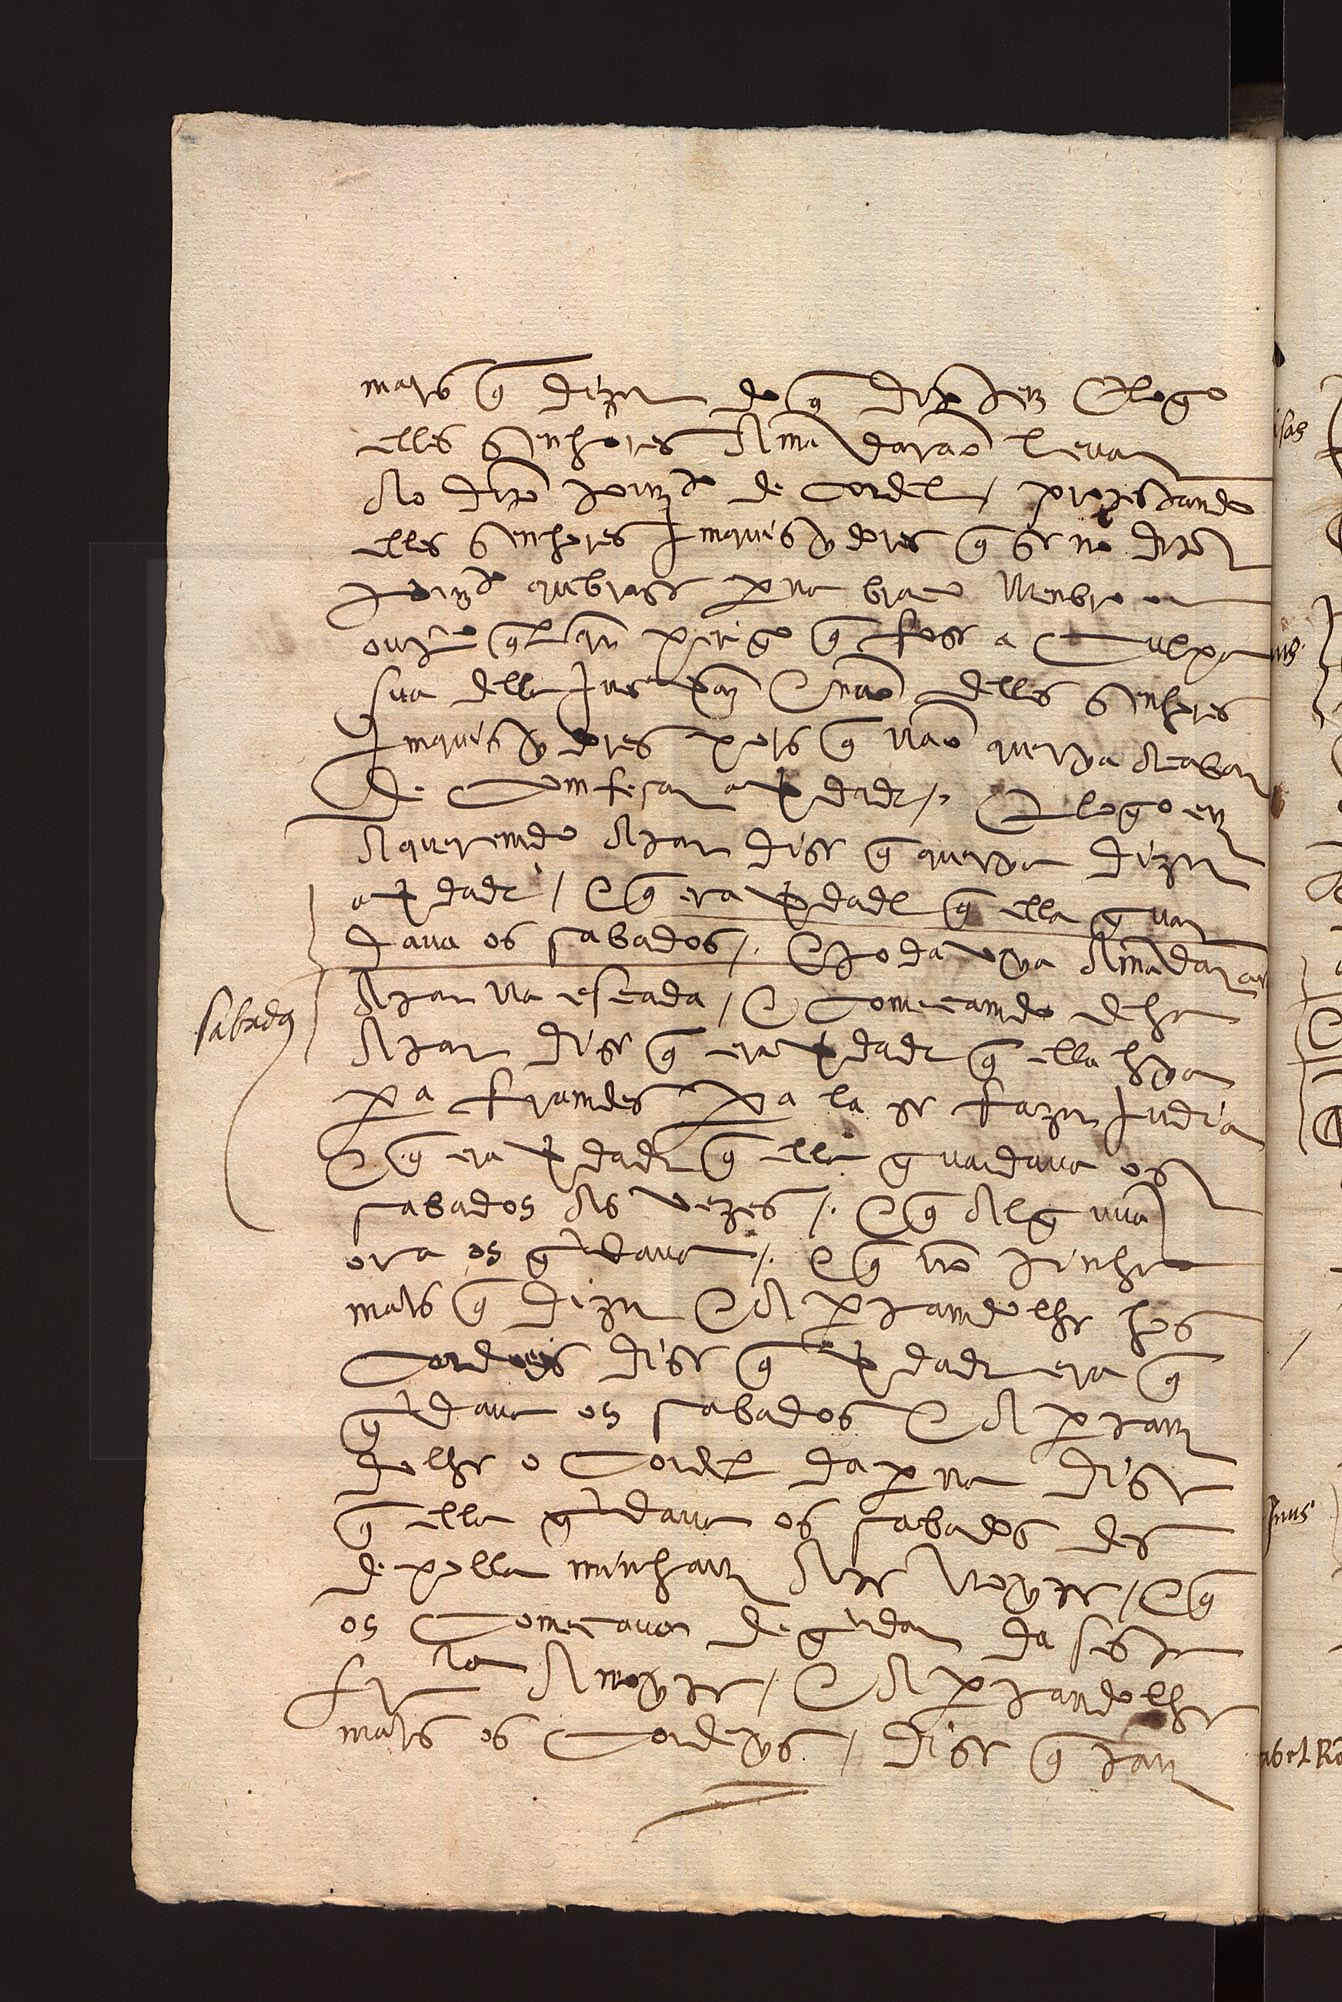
majs q̄ dizer do q̄ dito tem E logo
elles Senhores A mādarão leuar
Ao dit̄o tormto de cordel / protestando
elles Senhores Jmquisydores q̄ se no dito
tormto quebrase ꝑna braco menbro ou
outro q̄lq̄r perigo q̄ fose a Culpa
Sua della Jnes Vāz e não delles Senhores
Jmquisydores pojs q̄ não querya Acabar
de Comfesar a ꝟdade/. E logo em
A queremdo Atar dise q̄ querya dizer
a ꝟdade / e q̄ era ꝟdade q̄ ella guar
daua os sabados /. e todavya Amādara
Atar na escada / e comecamdo deha
Atar dise q̄ era ꝟdade q̄ ella hya
ꝑa framdes ꝑa la se fazer Judia
e q̄ era ꝟdade q̄ ella guardaua os
sabados As vezes /. e q̄ Alguūa
ora os grdaua /. e q̄ nō tinha
majs q̄ dizer e Aꝑtamdo lhe hos
Cordoeys dise q̄ ꝟdade era q̄
grdaua os sabados e Aꝑtam
dolhe o Cordel da ꝑna dise
q̄ ella grdaua os sabados des
de polla minham Ate Noyte / e q̄
os Comecava de grdar da sesta
frra A noyte / E Aꝑtandolhe
majs os cordeys / dise q̄ tam
